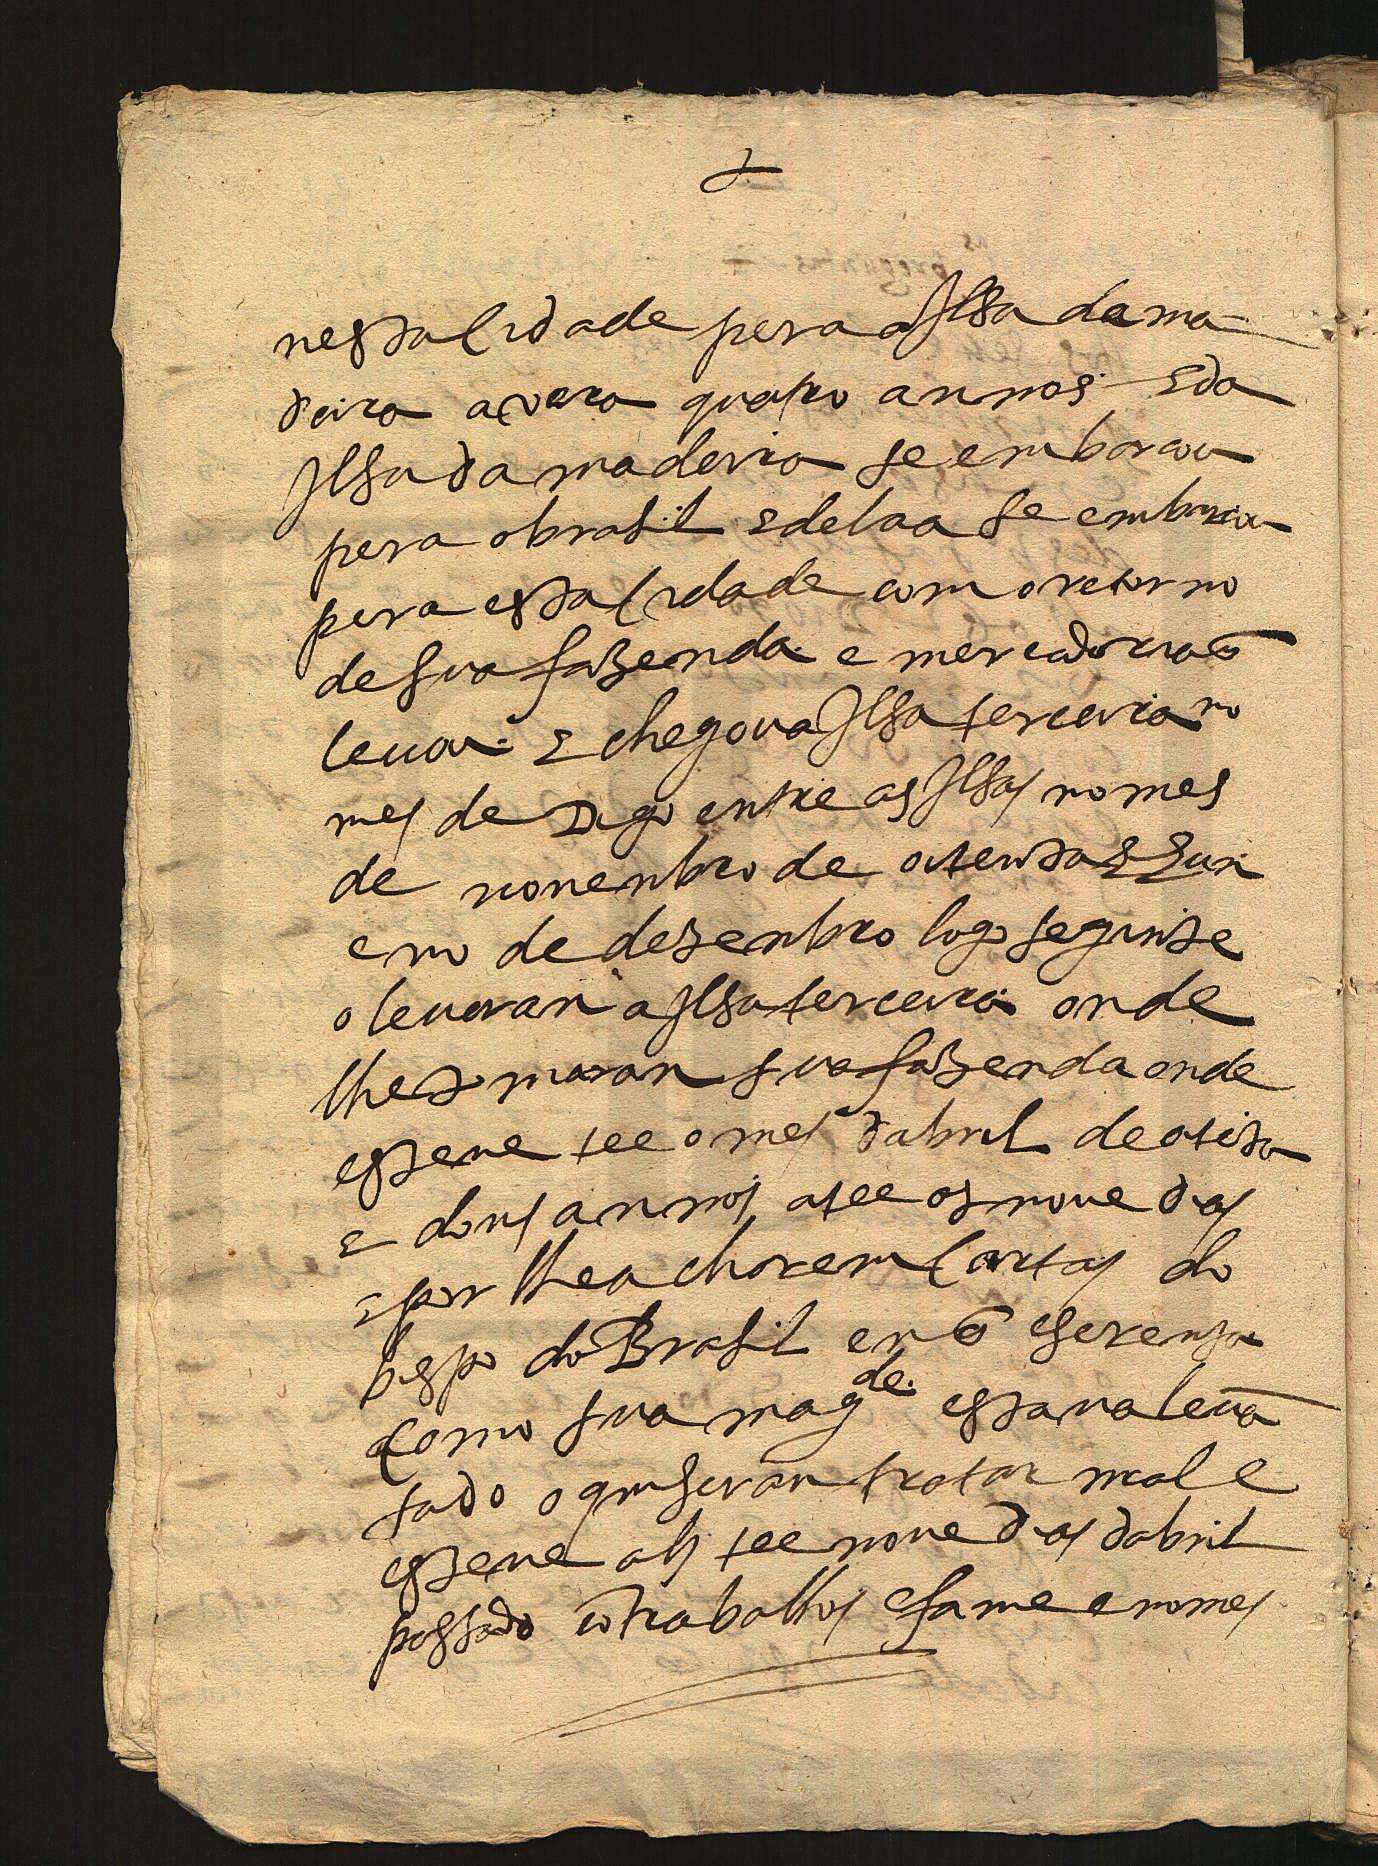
nesta Cidade pera a Jlha da ma
deira avera quatro annos E da
Jlha da madeira se embarcou
pera o brasiL E de laa se embarcou
pera esta Cidade com o retorno
de sua fazenda e mercadoria q̄
leuou E chegou a Jlha terceira no
mes de Digo entre as Jlhas no mes
de nouembro de oitenta E hum
e no de dezenbro logo seginte
o leuaram a Jlha terceira onde
lhe tomaram sua fazenda onde
esteue tee o mes dabriL de oitēta
E dous annos atee os noue dias
E por lhe acharem Cartas do
bispo do BrasiL em q̄ escreuja
Como sua magde estaua leuā
tado o quiseram tratar mal e
esteue alj tee noue dias dabriL
passado cō trabalhos e fame e no mes
